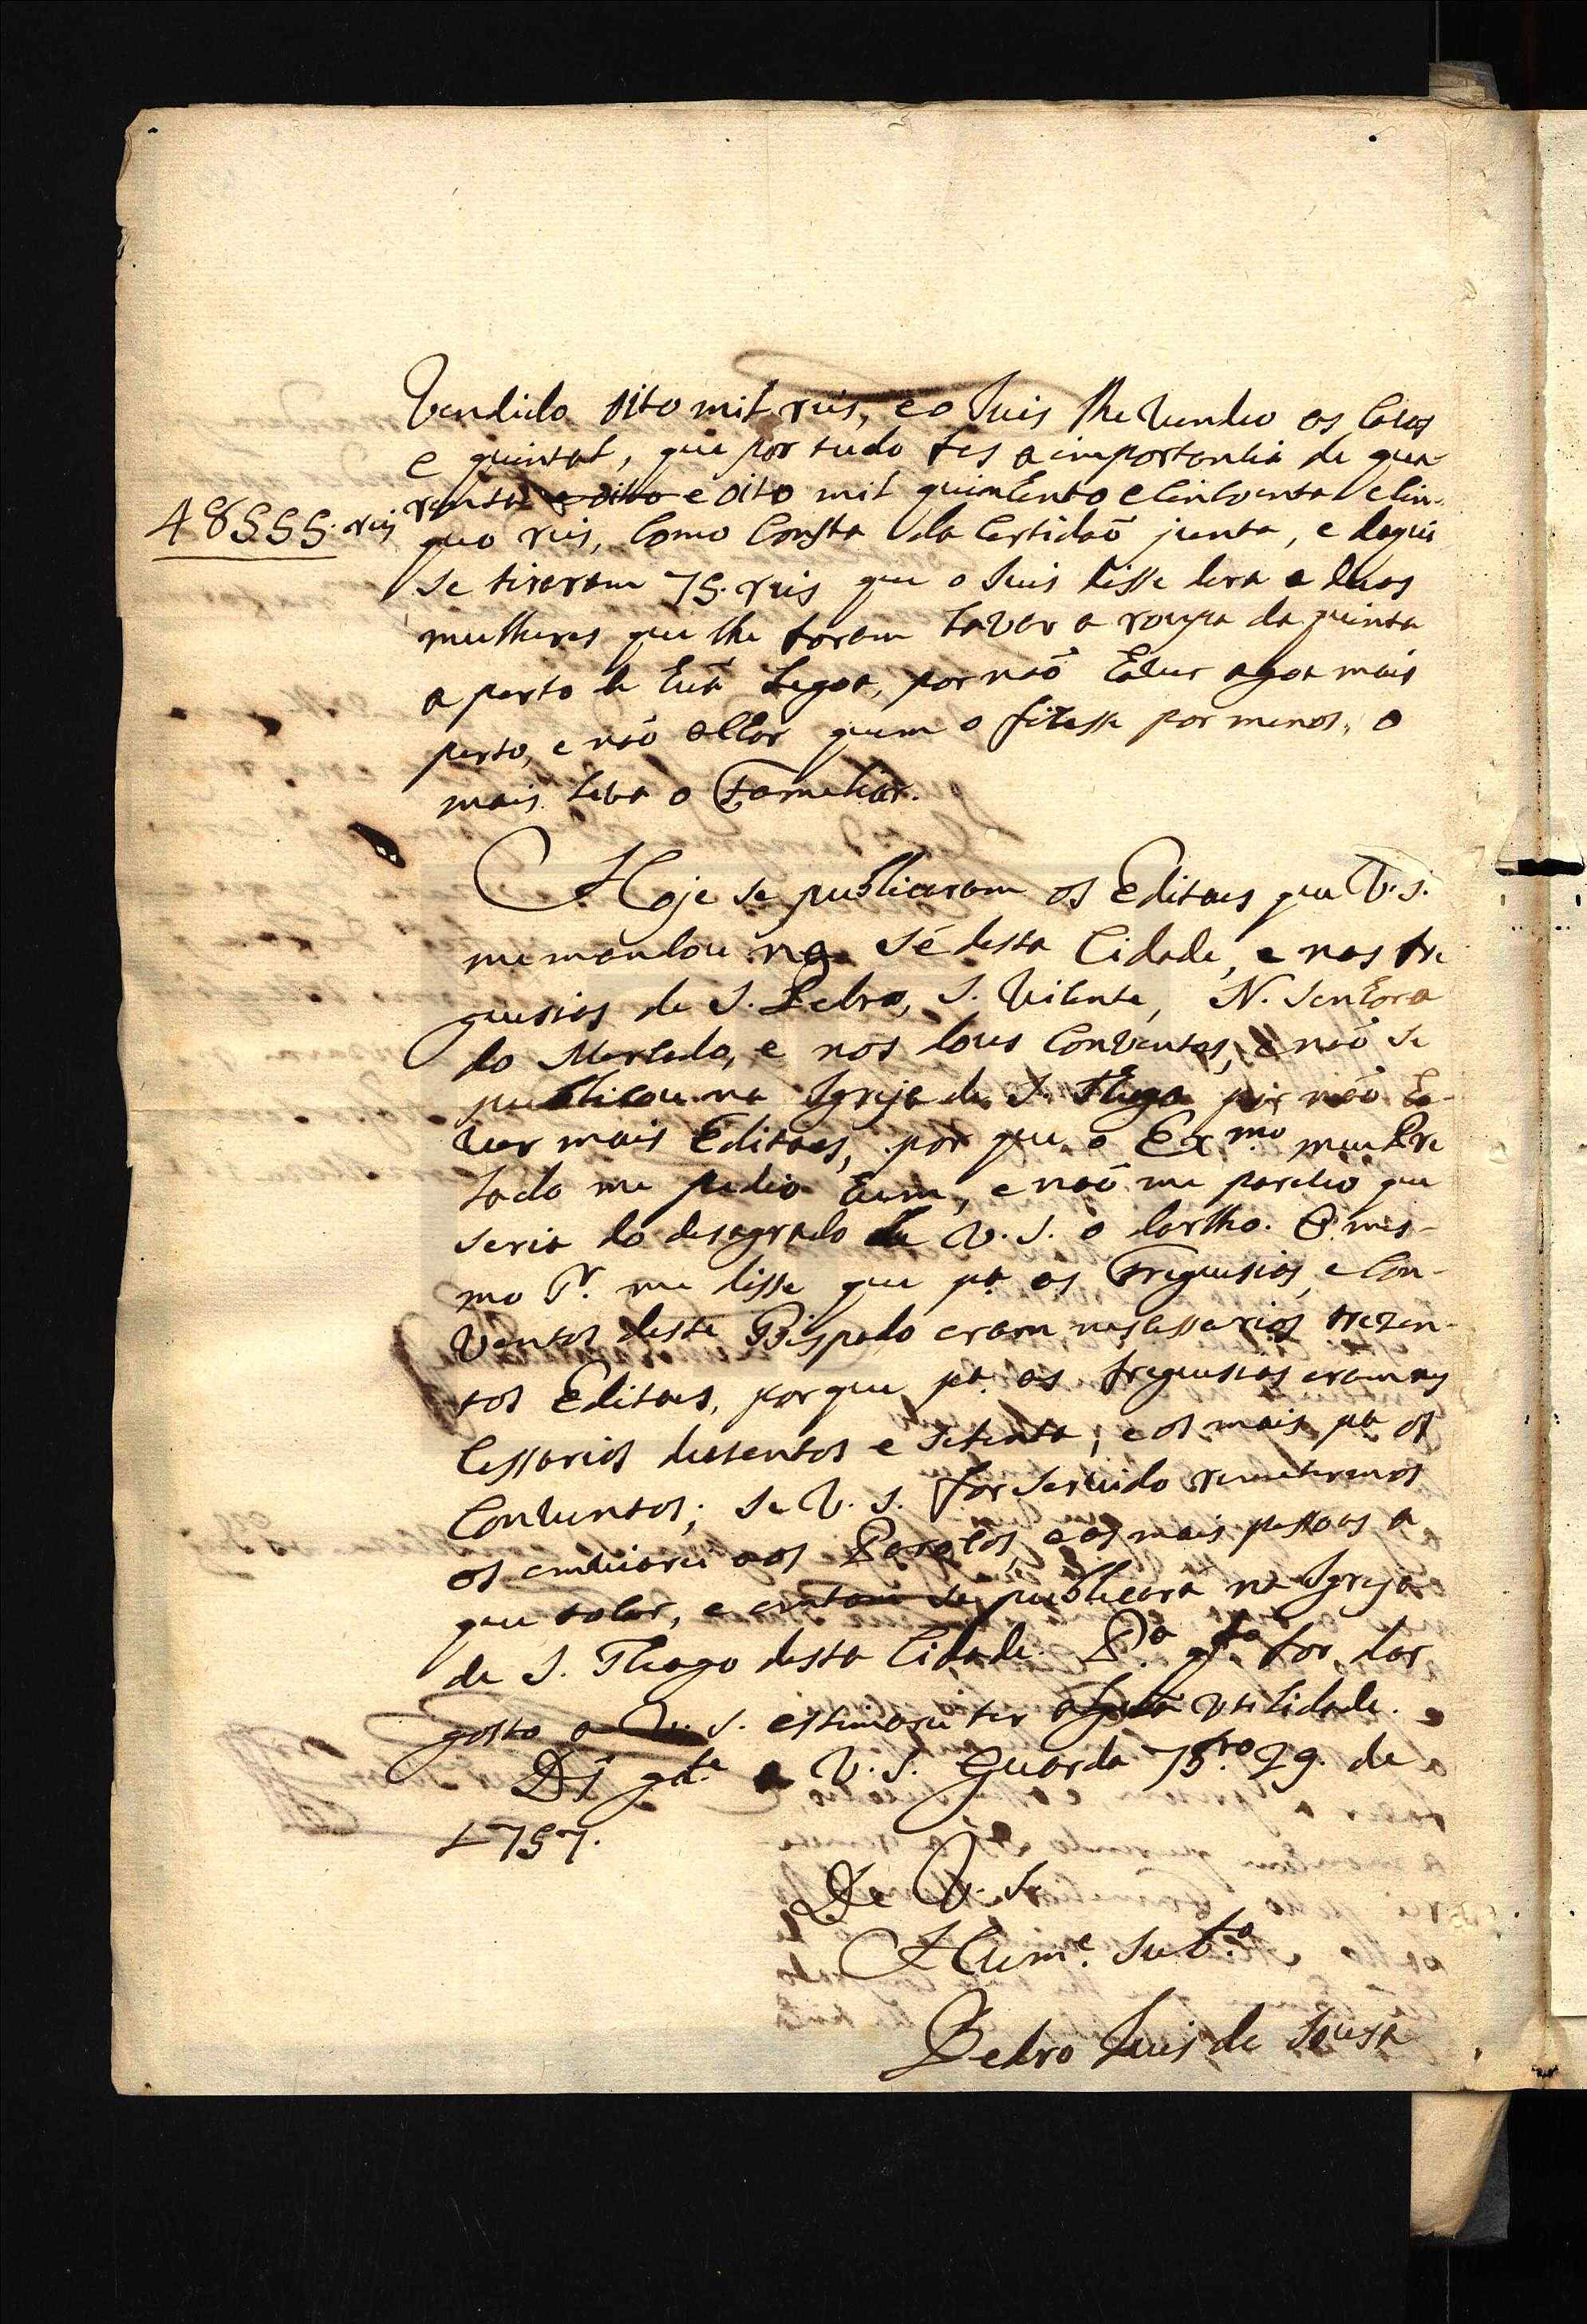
48555. reis
Vendido oito miL reis, e o Iuis lhe vendeo as Cazas
e quintaL, que por tudo fes a importancia de qua
renta e oitto e oito miL quinhento e cincoenta e cin
quo reis, Como Consta da Certidaõ junta, e daqui
se tiraram 75. reis que o Iuis disse dera a duas
mulheres que lhe foram lavar a roupa da quinta
a perto de huā Legoa, por naõ haver agoa mais
perto, e naõ achar quem o fizesse por menos, o
mais Leva o Familiar.
Hoje se publicaram os Editaes que V. s.
me mandou na Sé desta Cidade, e nas fre
guesias de S. Pedro, S. Vicente, N. Senhora
do MerCado, e nos dous Conventos, e naõ se
publicou na Igreja de S. Thiago por não ha
ver mais Editaes, porque o Ex.mo meu Pre
Lado me pedio huma, e naõ me pareceo que
seria do desagrado de V. s. o darlho. O mes
mo s.r me disse que pa as Freguesias, e Con
ventos deste Bispado eram nescessarios trezen
tos Editaes, porque pa. as freguesias eram nes
Cessarios dusentos e setenta; e os mais p.a os
Conventos; se V. s. for seruido remetermos
os emviarei aos Parocos, e as mais pessoas a
que tocar, e emtam se publicará na Igreja
de S. Thiago desta Cidade. P.a q.to for dar
gosto a V. s. estimarei ter alguā vtilidade.
Ds̄ gd.e a V.s. Guarda 7bro. 29. de
1757.
De V. s.
Hum.e sub̄.o
